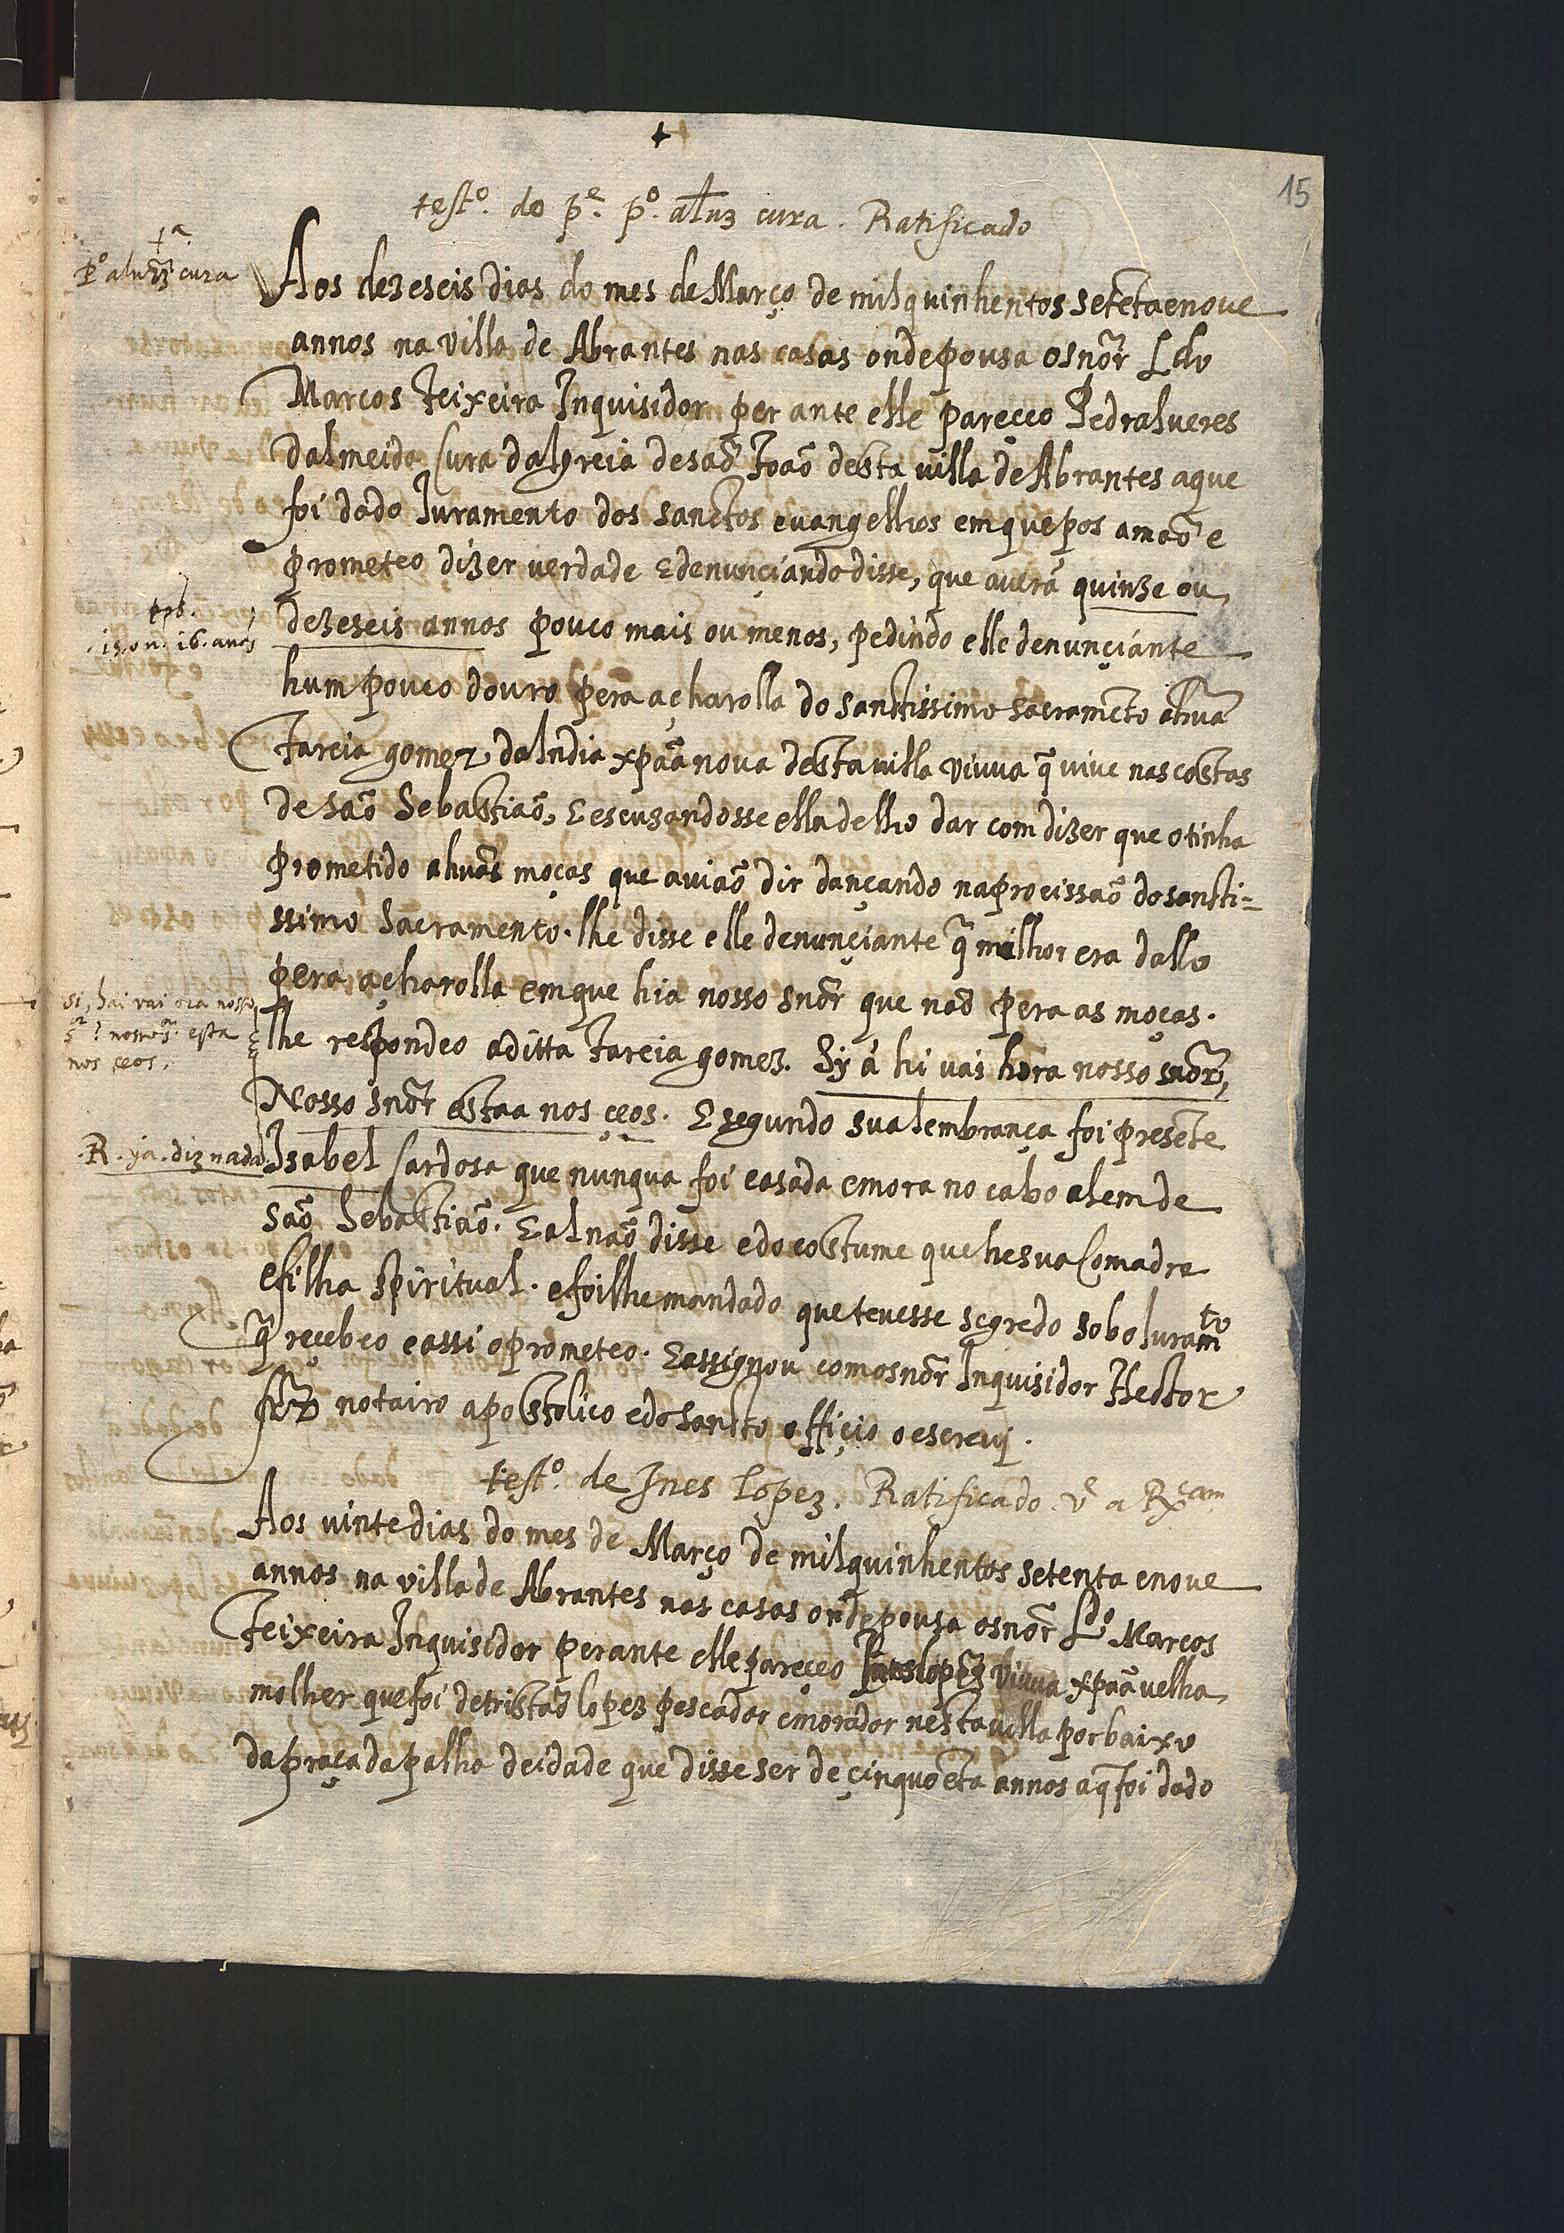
testo. do pe. po. al̄uz cura. Ratificado
Aos dezeseis dias do mes de Março de mil quinhentos setēta e noue
annos na villa de Abrantes nas casas onde pousa o snōr L.do
Marcos Teixeira Inquisidor perante elle pareçeo Pedralueres
dalmeida Cura da Igreja de saõ Ioão desta villa de Abrantes a que
foi dado Iuramento dos sanctos euangelhos em que pos a maõ e
prometeo dizer uerdade E denunçiando disse, que auerá quinze ou
dezeseis annos pouco mais ou menos, pedindo elle denunçiante
hum pouco douro pera a çharolla do sanctissimo sacramēto a huā
Tareia gomez da India xpaã noua desta villa viuua q̄ uiue nas costas
de são Sebastião, E escusandosse ella de lho dar com dizer que o tinha
prometido a huās moças que auião dir dançando na procissaõ do sancti
ssimo Sacramento. lhe disse elle denunçiante q̄ milhor era dallo
pera a çharolla em que hia nosso snōr que não pera as moças.
lhe respondeo a ditta Tareia gomez. Sy á hi uai hora nosso snōr,
Nosso Snōr estaa nos çeos. E segundo sua lembrança foi presēte
Isabel Cardosa que nunqua foi casada e mora no cabo alem de
são Sebastião. E al não disse e do costume que sua Comadre
e filha spiritual. e foilhe mandado que teuesse segredo sob o Iuramto
q̄ reçebeo e assi o prometeo. E assignou com o snōr Inquiridor Hector
fr̄z notairo apostolico e do sancto offiçio o escreuj.
test.o de Jnes lopez . Ratificado ve a ℞cam
Aos uinte dias do mes de Março de mil quinhentos setenta e noue
annos na villa de Abrantes nas casas onde pousa o snor̄ Ldo Marcos
Teixeira Inquisidor perante elle pareçeo Jnes lopes̄ viuva xpaā uelha
molher que foi de tristão lopez pescador e morador nesta uilla por baixo
da praça da palha de idade que disse ser de çinquoēta annos a q̄ foi dado
